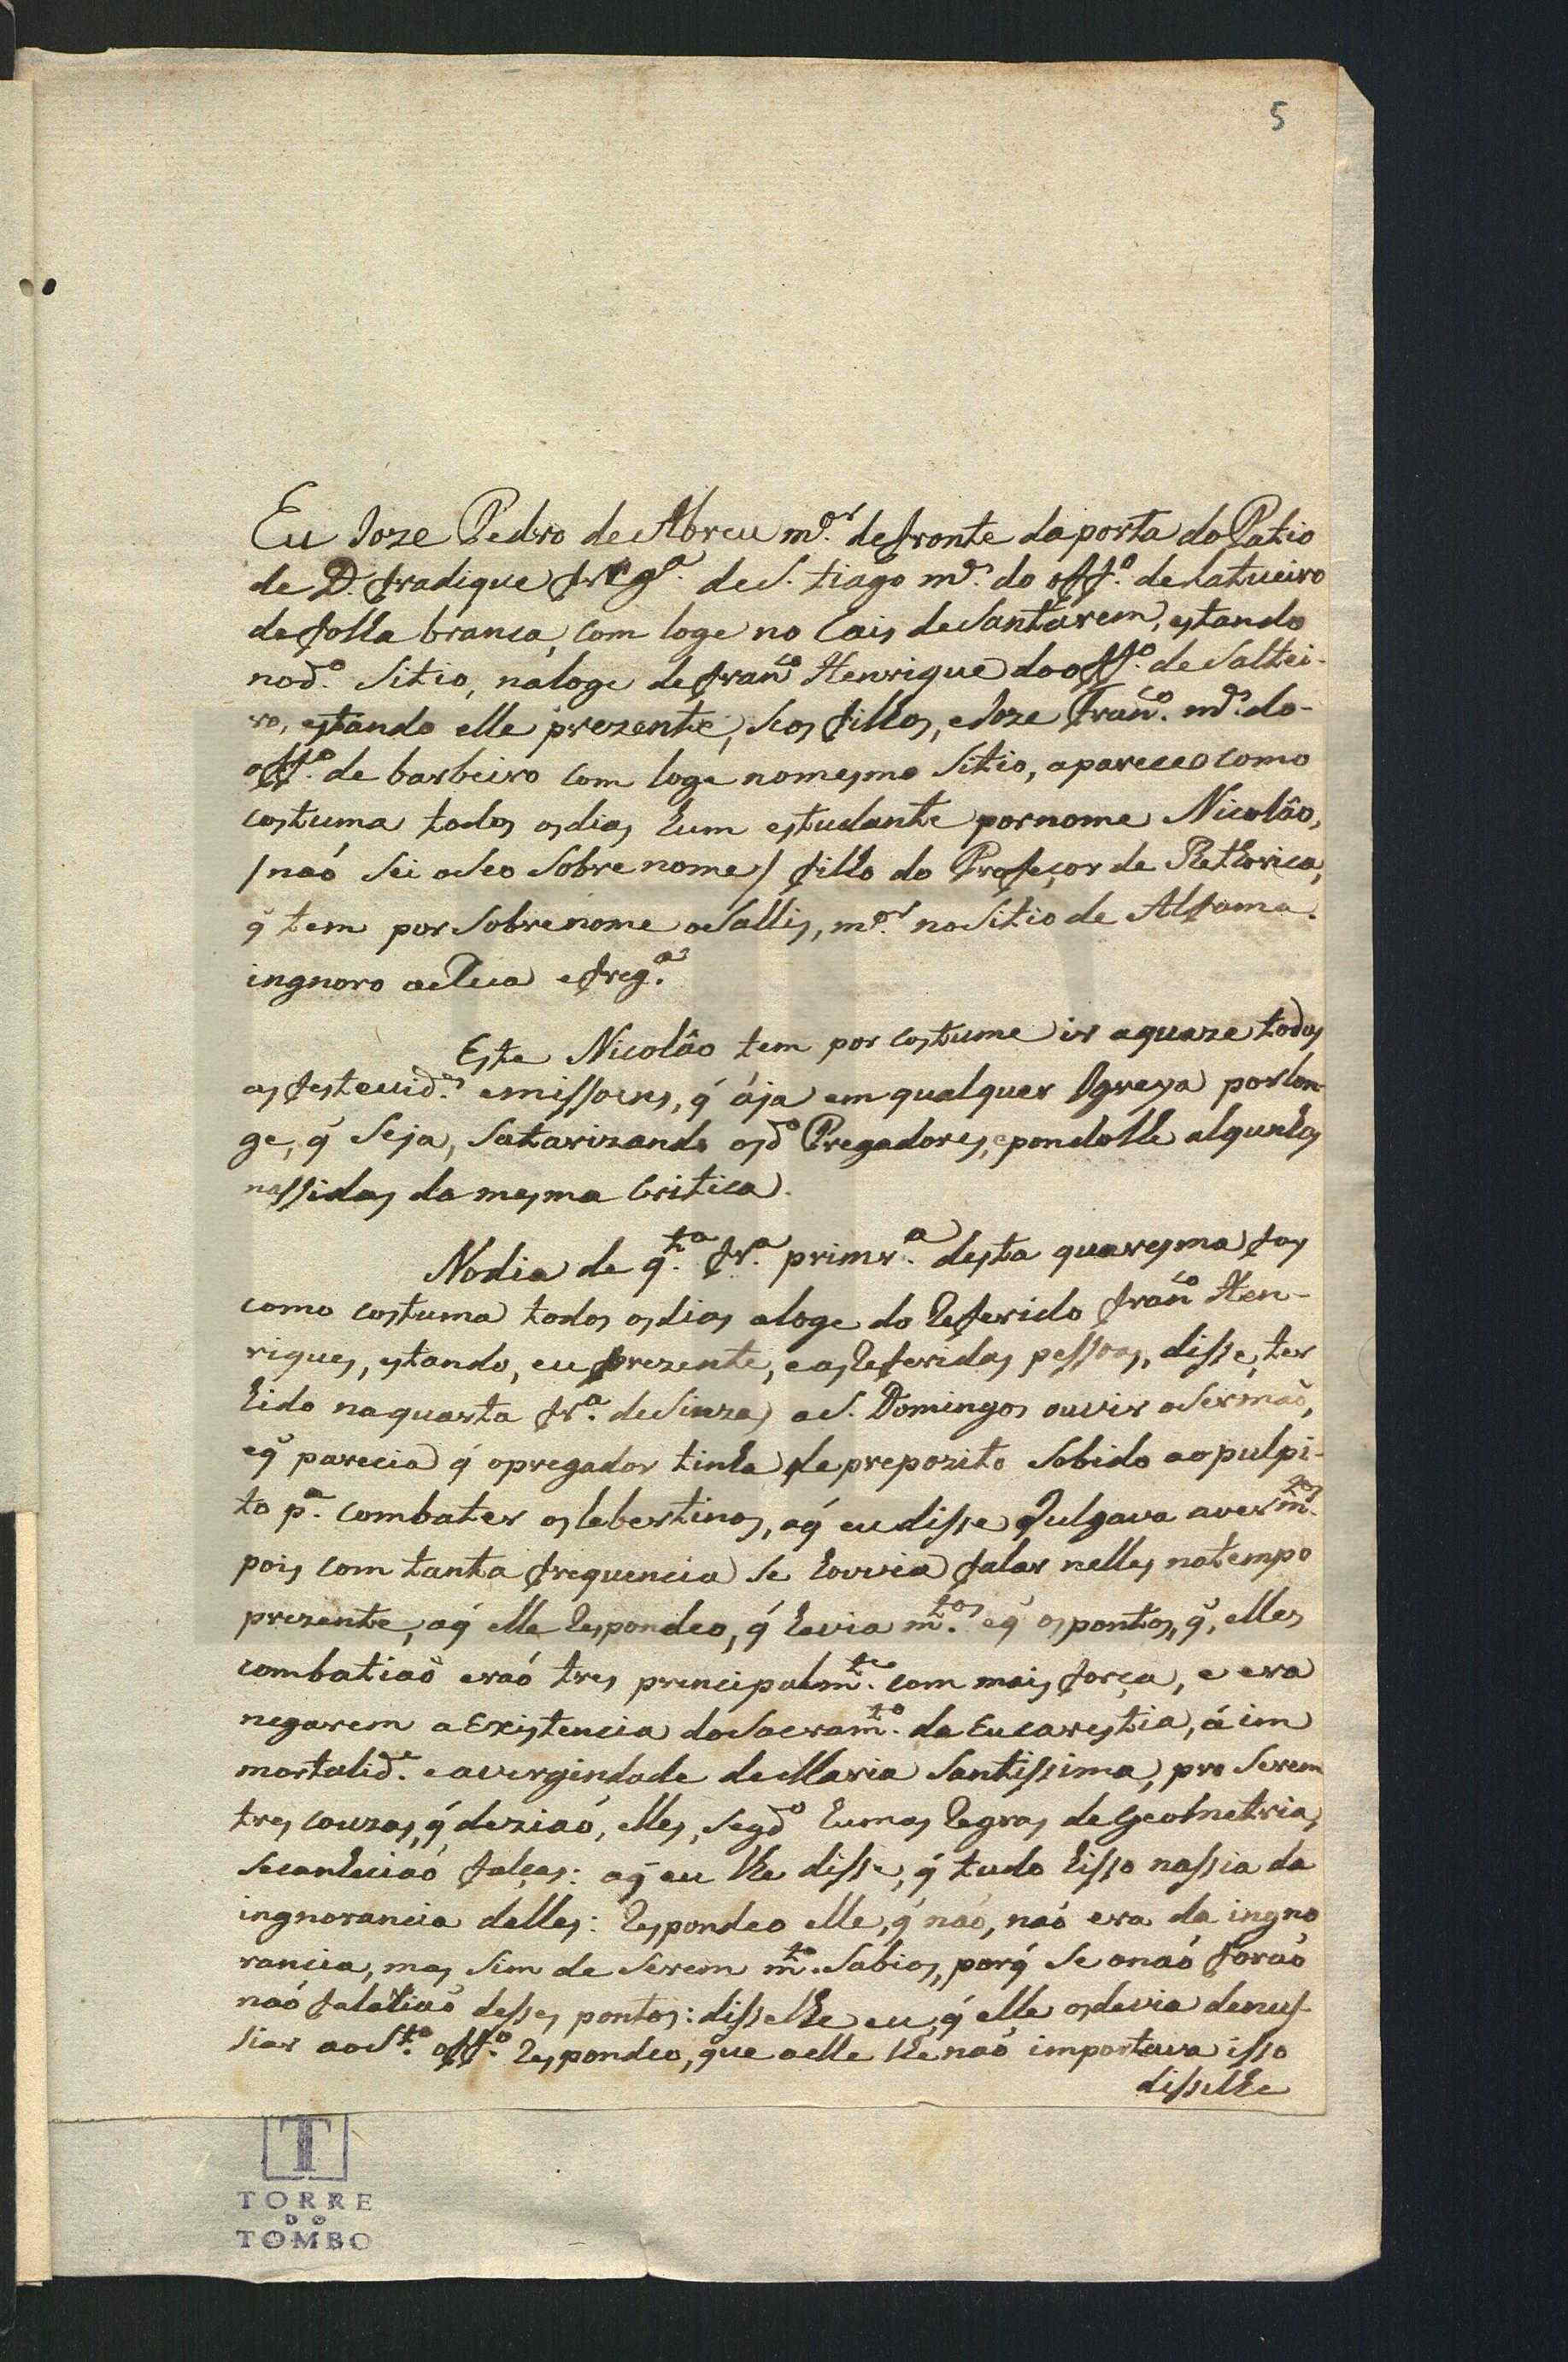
Eu Ioze Pedro de Abreu m.or defronte da porta do Patio
de D. fradique frrg.a de S. tiago m.e do off.o de Latueiro
de folha branca, com loge no Cais de Santarem, estando
no d.o Sitio, na loge de fran.co Henrique do off.o de Saltei
ro, estando elle prezente, seos filhos, e Ioze Fran.co m.e do
off.o de barbeiro com loge no mesmo sitio, apareceo como
costuma todos os dias hum estudante por nome Nicoláo,
/naõ sei o seo sobrenome/ filho do Profeçor de Rethorica,
q̄ tem por sobrenome o Sallis, m.or no Sitio de Alfama.
ingnoro a Rua e freg.a
Este Nicoláo tem por costume ir a quaze todas
as festeuid.es e missoens, q̄ ája em qualquer Igreya por lon
ge, q̄ seja, satarizando os d.o Pregadores, e pondolhe alqunhas
nassidas da mesma critica.
No dia de q.ta fr.a primr.a desta quaresma foy
como costuma todos os dias a loge do Referido fran.co Hen
riques, estando, eu prezente, e as Referidas pessoas, disse, ter
hido na quarta fr.a de Sinzas a S. Domingos ouvir o sermaõ,
e q̄ parecia q̄ o pregador tinha de prepozito sobido ao pulpi
to p.a combater os lebertinos, o q̄ eu disse Julgava aver m.tos
pois com tanta frequencia se houvia falar nelles no tempo
prezente, a q̄ elle Respondeo, q̄ havia m.tos e q̄ os pontos, q̄ elles
combatiaõ eraõ tres principalm.te com mais força, e era
negarem a Existencia do sacram.to da Eucarestia, á im
mortalid.e e a vergindade de Maria Santissima, pro serem
tres couzas, q̄ deziaõ, elles, segd.o humas Regras de Geometria,
se conheciaõ falças: o q̄ eu lhe disse, q̄ tudo hisso nassia da
ingnorancia delles: Respondeo elle, q̄ naõ, naõ era da ingno
rancia, mas sim de serem m.to sabios, porq̄ se o naõ foraõ
naõ falariaõ desses pontos: disselhe eu, q̄ elle os devia denus
siar ao S.to offf.o Respondeo, que a elle lhe naõ importava isso
disselhe
